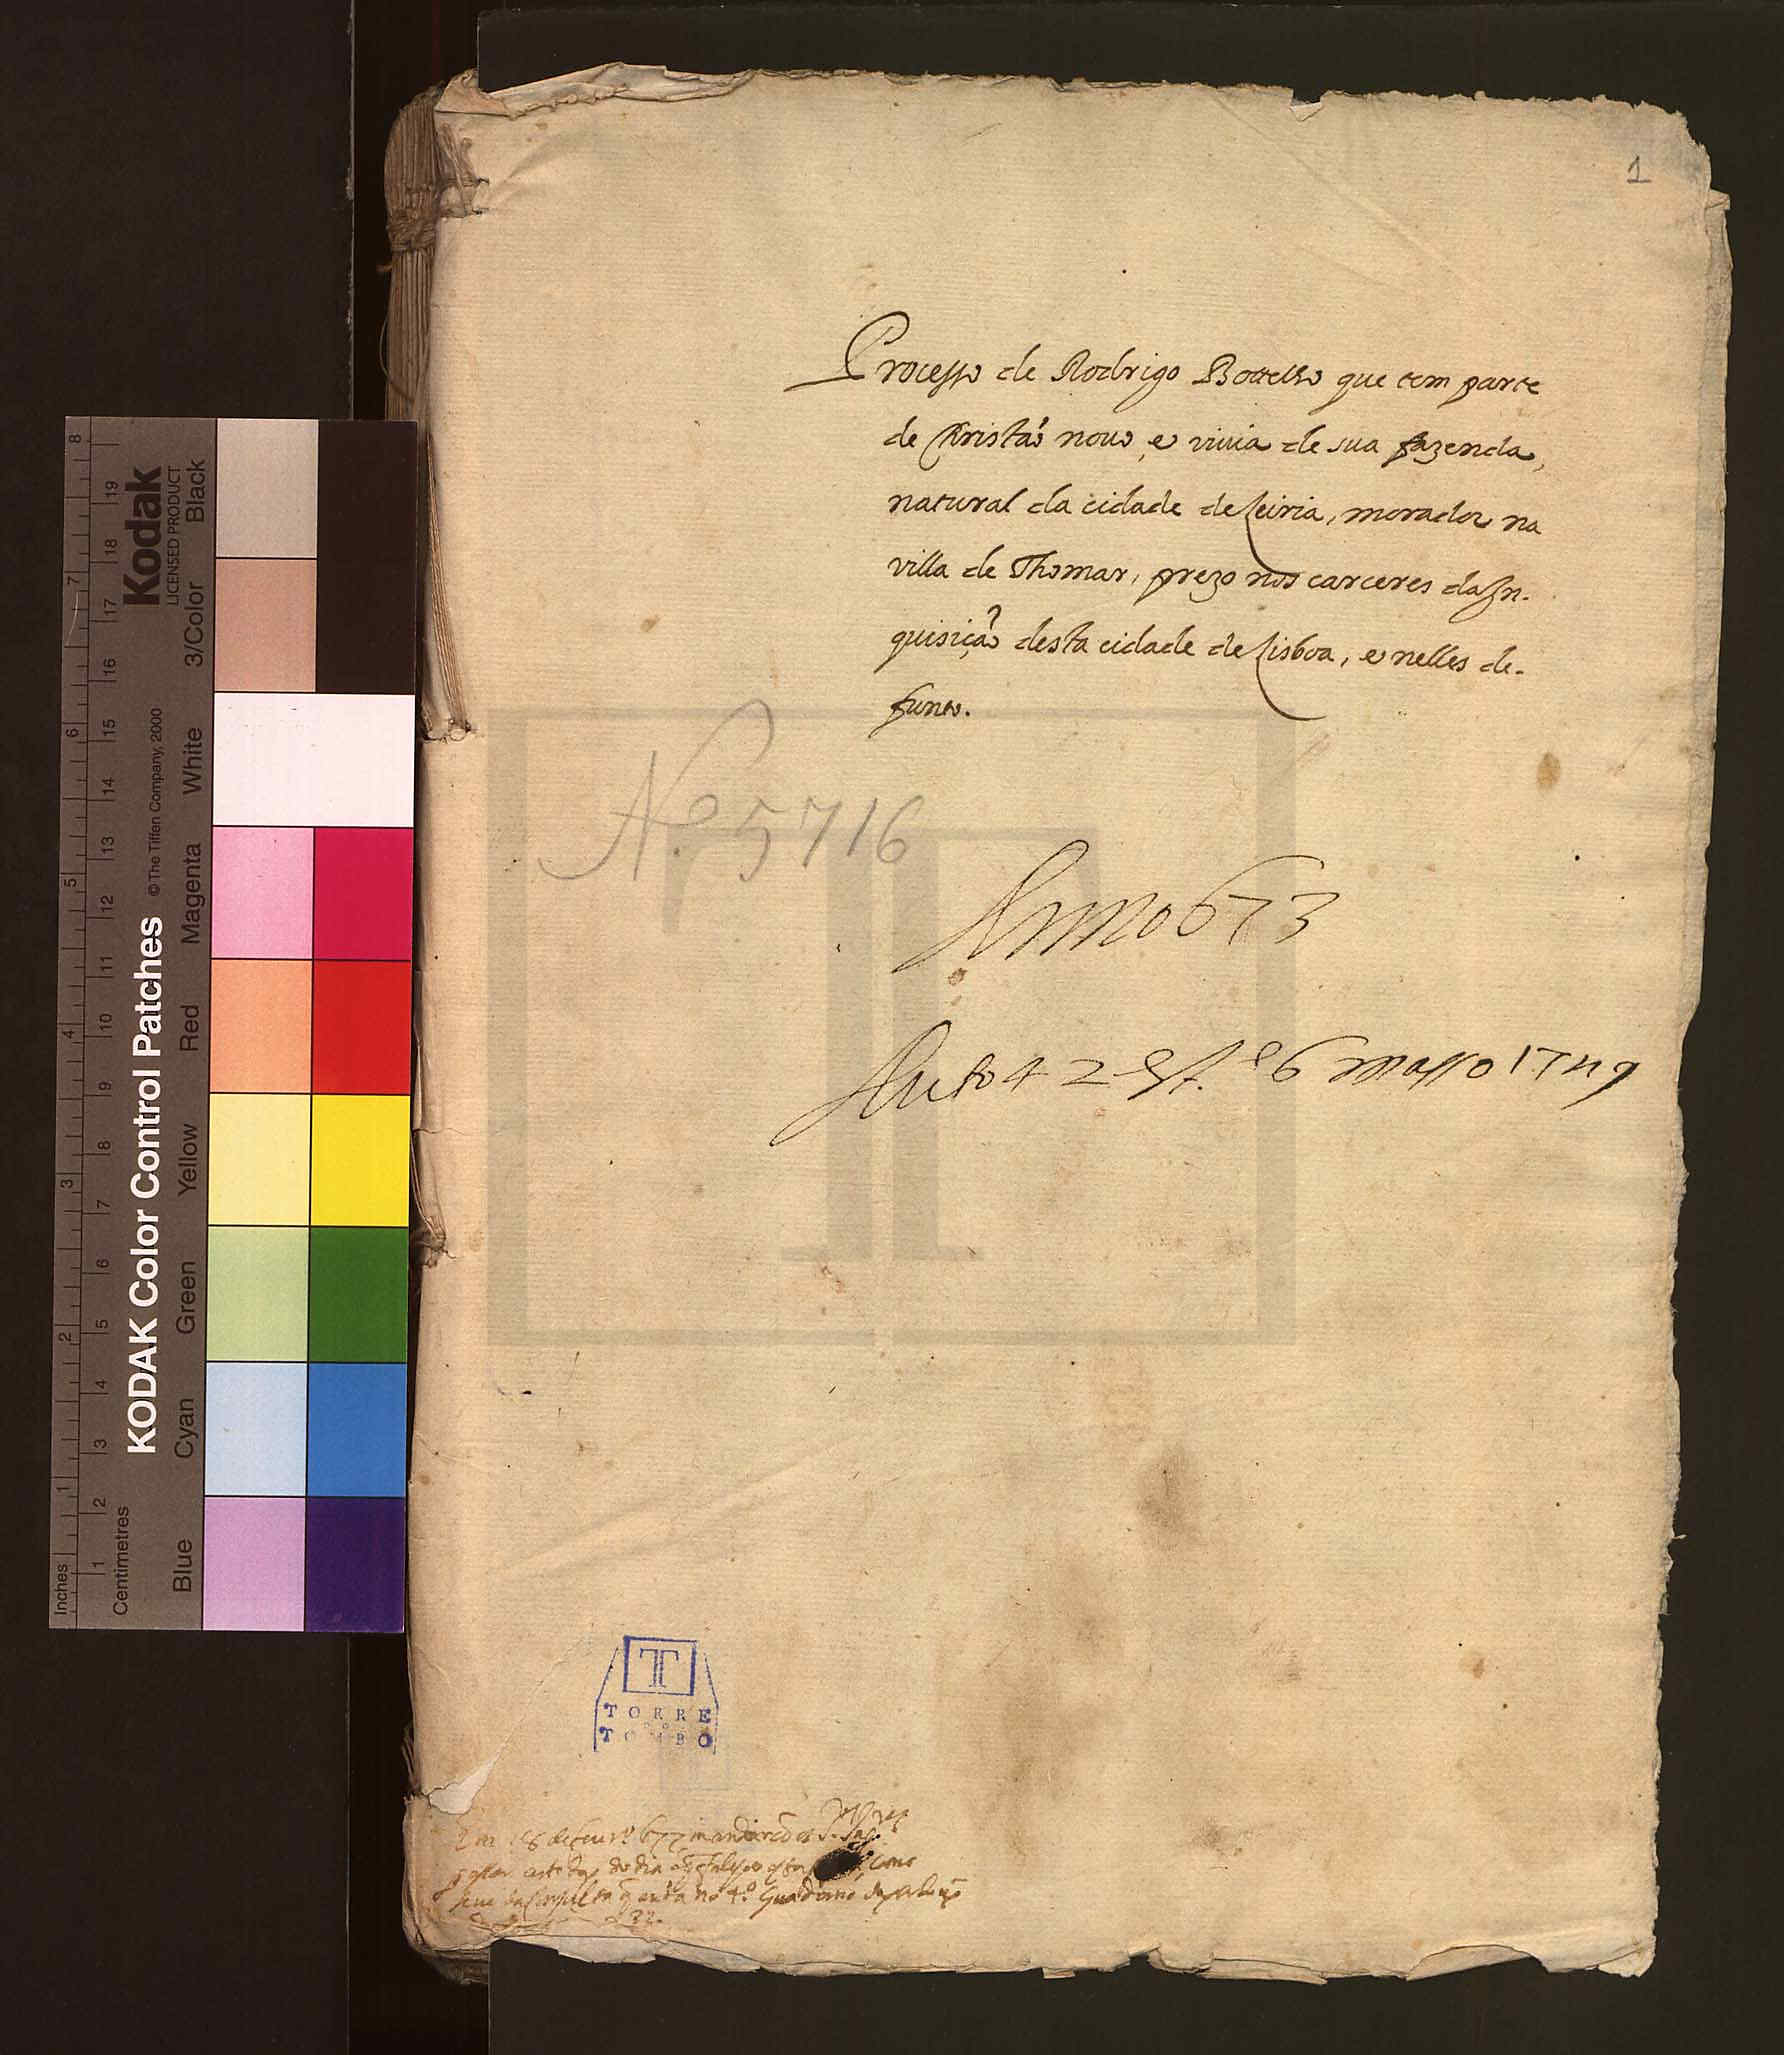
Em 18 de feur.o 677 mandaraõ os S.res Inqres
passar certidaꝭ do dia ē q̄ faleseo esta _, como
teue da Consulta q̄ esta no 4.o Quaderno das ordens̄
Processo de Rodrigo Bottelho que tem parte
de Christaõ nouo, e viuia de sua fazenda,
natural da cidade de Leiria, morador na
villa de Thomar, prezo nos carceres da Jn
quisição desta cidade de Lisboa, e nelles de
funto.
Anno 673
Auto 42 est.e 6 masso 1749
